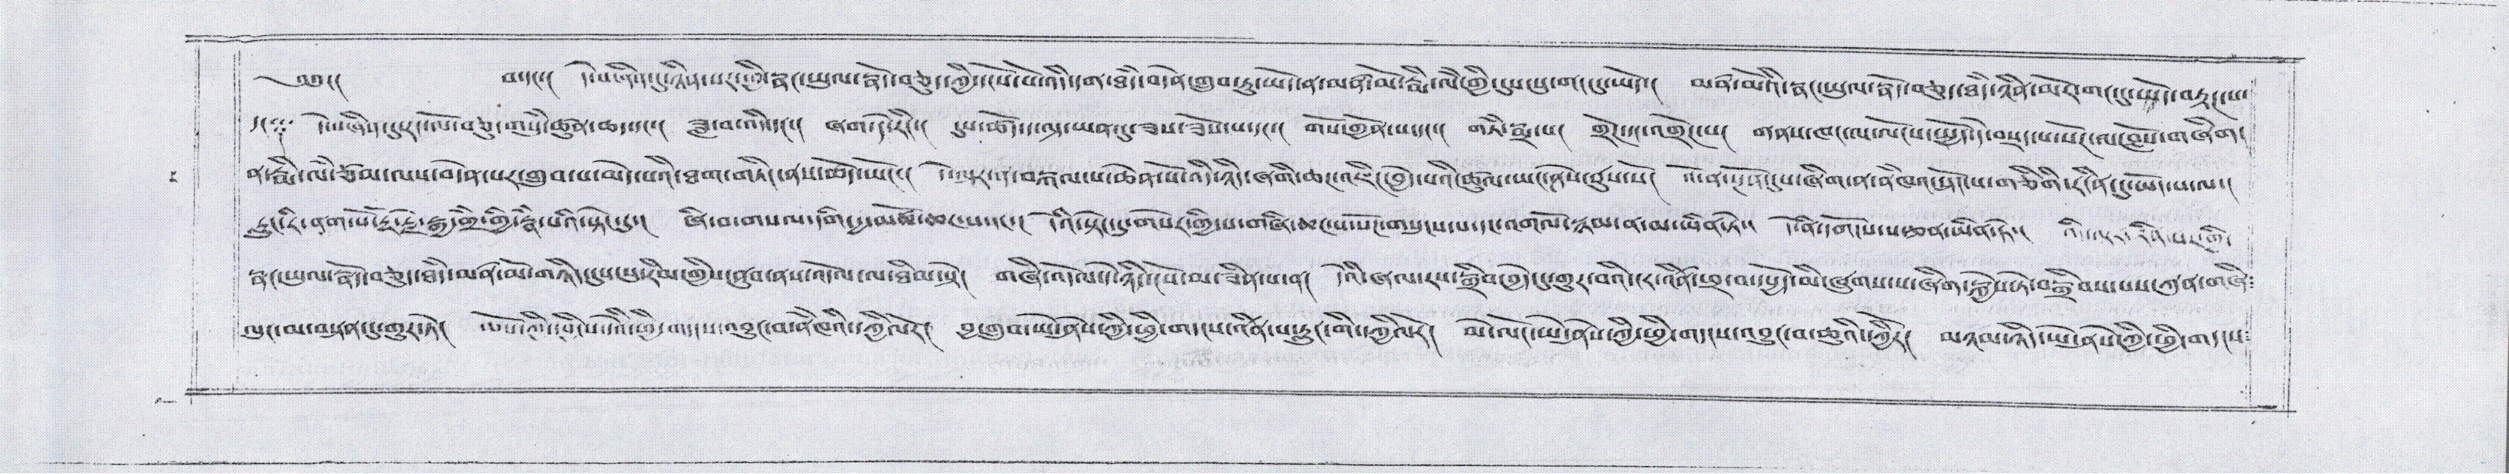བ་དང་། དེ་བཞིན་དུ་ཉིན་པར་གྱི་སྣང་ཡུལ་སྣོད་བཅུད་ཀྱི་དངོས་པོ་འདི་དག་ཐམས་ཅད་བདེན་གྲུབ་ཏུ་ཡོད་ན་མཚན་མོ་རྨི་ལམ་གྱི་དུས་སུ་གང་དུ་ཡོད། མཚན་མོའི་སྣང་ཡུལ་སྣོད་བཅུད་ཐམས་ཅད་ཉིན་མོར་གང་དུ་ཡོད་བརྟགས་པ་
དང་། དེ་བཞིན་དུ་རང་ལོ་བཅུ་གསུམ་ཚུན་ཆད་དང་། ཟླ་བ་འདི་དང་། ཞག་དེ་རིང་། དུས་ཚོད་ད་ལྟ་ཡན་དུ་ཟས་ཟོས་པ་དང་། གོས་གྱོན་པ་དང་། གཏམ་སྨྲ་བ། གྲོགས་དང་འགྲོགས་པ། གནས་ཁང་ལ་ལོངས་སྤྱོད་དེ་བསྡད་པ་སོགས་ལ་བློས་གཞིགས་
ན་རྨི་ལམ་ཙམ་ལས་བདེན་པར་གྲུབ་པ་མེད་པའི་ཐག་གཏིང་ནས་ཆོད་ཡོང་། དེ་ལྟར་ན་བསྐལ་པ་ཆེན་པོ་འདི་ཉིད་ཞག་གིས་ཆགས་འཇིག་བྱེད་པའི་ཚུལ་ཡང་ཤེས་ནུས་སོ། །འོ་ན་སྔོན་དུས་ཤིག་ན་ནམ་མཁའ་སྟོང་པ་གཅིག་གི་རང་བཞིན་དུ་ཡོད་པ་ལ། 
རླུང་རི་ནག་པོ་རྡོ་རྗེ་རྒྱ་གྲམ་གྱི་རྣམ་པའི་སྟེང་དུ། ཞི་བ་གསལ་དག་གི་རྒྱ་མཚོ་ཆགས་པ་དང་། དེའི་སྟེང་དུ་གསེར་གྱི་ས་གཞི་ཆགས་པ་སོགས་གསུངས་པ་དང་འགལ་ལམ་ཞེ་ན་མ་ཡིན་ཏེ། དེ་ནི་དགོངས་པ་ཅན་ཡིན་ཏེ། འདི་ལྟར་ཉིན་པར་གྱི་
སྣང་ཡུལ་སྣོད་བཅུད་ཐམས་ཅད་མཚན་མོ་གཉིད་དུས་སུ་རིམ་གྱིས་ནུབ་ནས་འོད་གསལ་ལ་ཐིམ་སྟེ། གཞི་འོད་གསལ་དེ་ཉིད་ངོས་མ་ཟིན་པ་ན། དེའི་ཞལ་རས་སྒྲིབ་བྱེད་དུ་གྱུར་པའི་ངར་འཛིན་ཕྲ་བ་དཔྱོད་མི་ཞུགས་པ་ཞིག་སྐྱེས་ཏེ་བསྒྲིབས་པས་ཀུན་གཞི་
ལུང་མ་བསྟན་དུ་གྱུར་ཏེ། ཆོས་ཀྱི་དབྱིངས་དེའི་ཕྱི་གདངས་འབྱུང་བ་ནམ་མཁའི་དཀྱིལ་འཁོར། བྱ་གྲུབ་ཡེ་ཤེས་ཀྱི་ཕྱི་གདངས་འཛིན་པ་རླུང་གི་དཀྱིལ་འཁོར། མེ་ལོང་ཡེ་ཤེས་ཀྱི་ཕྱི་གདངས་འབྱུང་བ་ཆུ་ཡི་དཀྱིལ་འཁོར། མཉམ་ཉིད་ཡེ་ཤེས་ཀྱི་ཕྱི་གདངས་